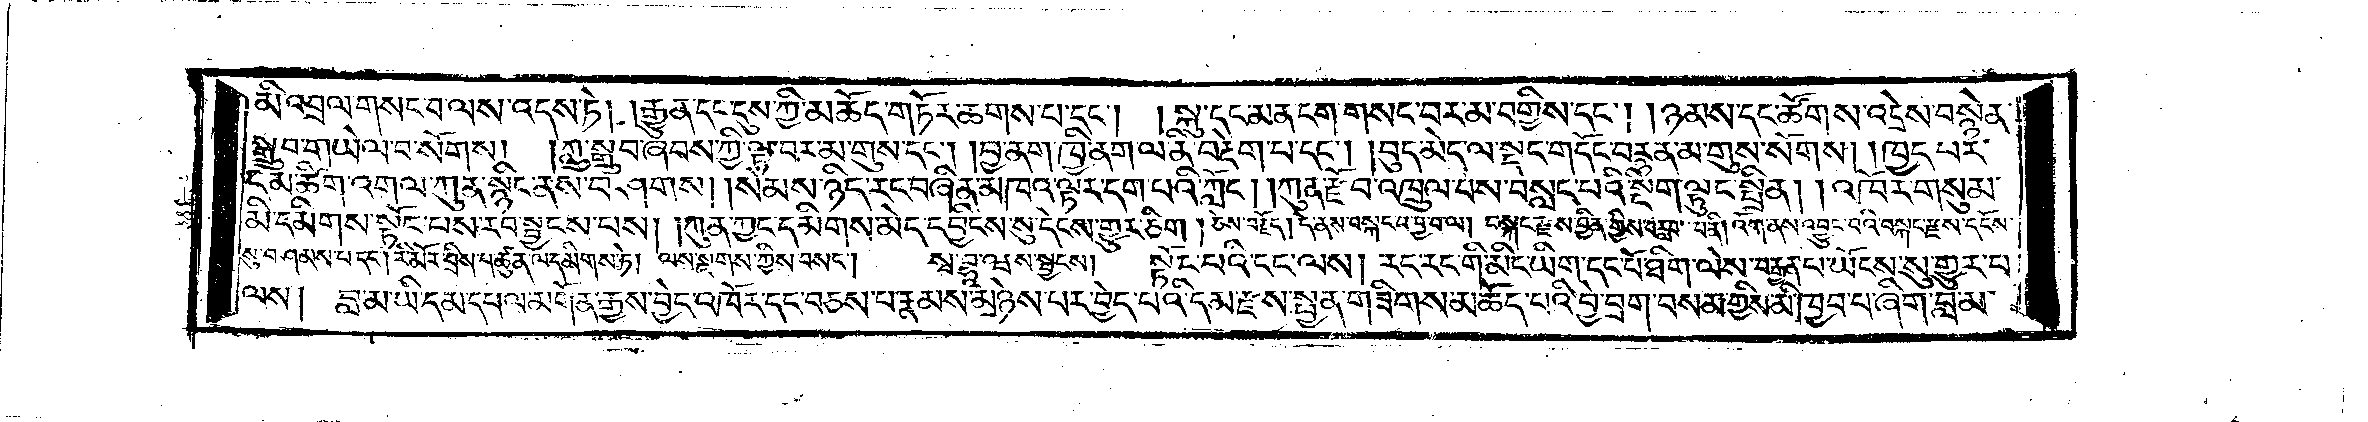མི་འབྲལ་གསང་བ་ལས་འདས་ཏེ། །རྒྱུན་དང་དུས་ཀྱི་མཆོད་གཏོར་ཆགས་པ་དང་། །སྐུ་དང་མན་ངག་གསང་བར་མ་བགྱིས་དང་། །ཉམས་དང་ཚོགས་འདྲེས་བསྙེན་
སྒྲུབ་གཡེལ་བ་སོགས། །ཀླུ་སྒྲུབ་ཞབས་ཀྱི་ལྟ་བར་མ་གུས་དང་། །བྱ་ནག་ཁྱི་ནག་ལ་ནི་བརྡེག་པ་དང་། །བུད་མེད་ལ་སྡང་གདོང་བརྙན་མ་གུས་སོགས། །ཁྱད་པར་
དམ་ཚིག་འགལ་ཀུན་སྙིང་ནས་བཤགས། །སེམས་ཉིད་རང་བཞིན་མཁའ་ལྟར་དག་པའི་ཀློང་། །ཀུན་རྫོབ་འཁྲུལ་པས་བསླང་པའི་སྡིག་ལྟུང་སྤྲིན། །འཁོར་གསུམ་
མི་དམིགས་སྟོང་པས་རབ་སྦྱངས་པས། །ཀུན་ཀྱང་དམིགས་མེད་དབྱིངས་སུ་དེངས་གྱུར་ཅིག །ཅེས་བརྗོད། དེ་ནས་བསྐང་པ་བྱ་བ་ལ། བསྐང་རྫས་བྱིན་གྱིས་བརླབ་པ་ནི། འོག་ནས་འབྱུང་བའི་བསྐང་རྫས་དངོས་
སུ་བཤམས་པ་དང་། རི་མོར་བྲིས་པ་ཚུན་ལ་དམིགས་ཏེ། ལས་སྔགས་ཀྱིས་བསང་། སྭ་བྷཱ་ཝས་སྦྱངས། སྟོང་པའི་ངང་ལས། རང་རང་གི་མིང་ཡིག་དང་པོ་ཐིག་ལེས་བརྒྱན་པ་ཡོངས་སུ་གྱུར་པ་
ལས༑ བླ་མ་ཡི་དམ་དཔལ་མགོན་རྒྱས་བྱེད་འཁོར་དང་བཅས་པ་རྣམས་མཉེས་པར་བྱེད་པའི་དམ་རྫས་སྤྱན་གཟིགས་མཆོད་པའི་བྱེ་བྲག་བསམ་གྱིས་མི་ཁྱབ་པ་ཞིག་བླ་མ་